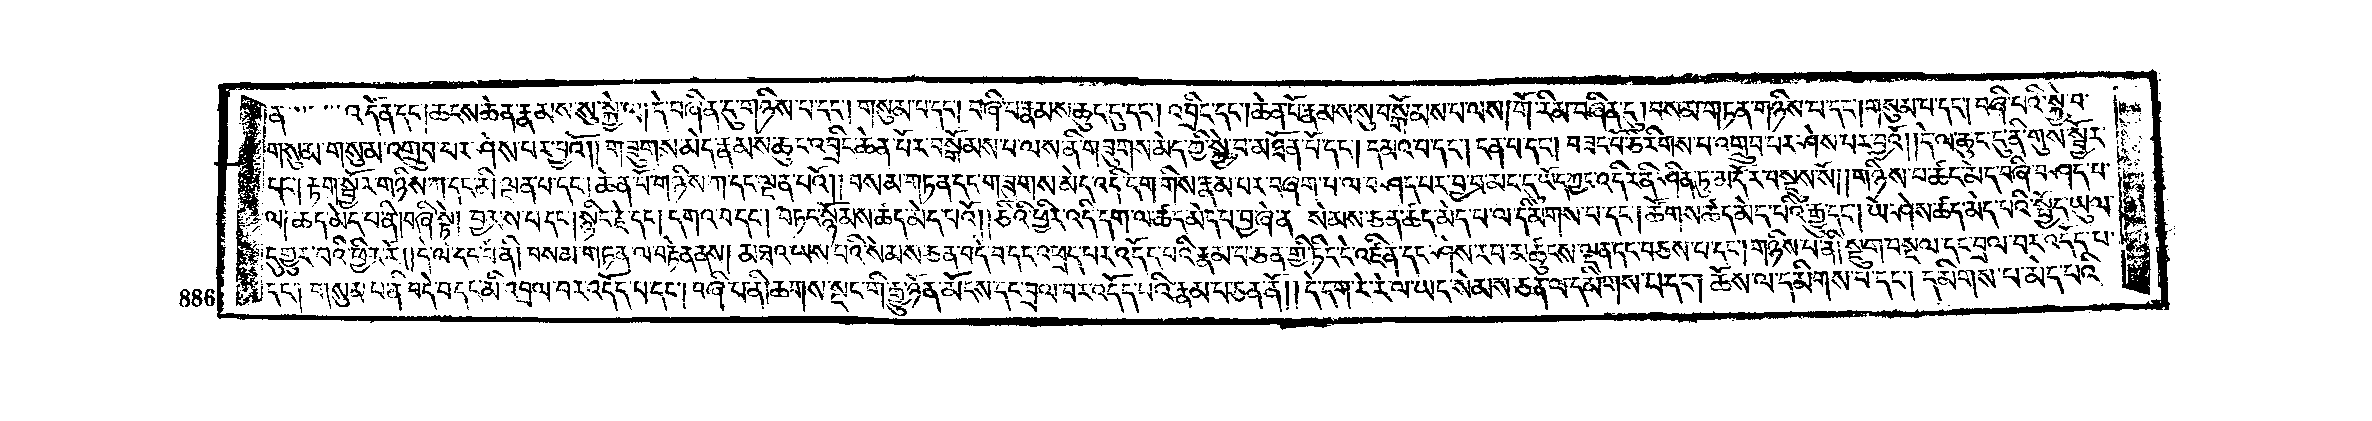ན་འདོན་དང་། ཚངས་ཆེན་རྣམས་སུ་སྐྱེ་ལ། དེ་བཞིན་དུ་གཉིས་པ་དང་། གསུམ་པ་དང་། བཞི་པ་རྣམས་ཆུང་ངུ་དང་། འབྲིང་དང་། ཆེན་པོ་རྣམས་སུ་བསྒོམས་པ་ལས། གོ་རིམ་བཞིན་དུ། བསམ་གཏན་གཉིས་པ་དང་། གསུམ་པ་དང་། བཞི་པའི་སྐྱེ་བ་
གསུམ་གསུམ་འགྲུབ་པར་ཤེས་པར་བྱའོ། །གཟུགས་མེད་རྣམས་ཆུང་འབྲིང་ཆེན་པོར་བསྒོམས་པ་ལས་ནི་གཟུགས་མེད་ཀྱི་སྐྱེ་བ་མཐོན་པོ་དང་། དམའ་བ་དང་། ངན་པ་དྣག། བཟང་པོ་ཅི་རིགས་པ་འགྲུབ་པར་ཤེས་པར་བྱའོ། །དེ་ལ་ཆུང་ངུ་ནི་གུས་སྦྱོར་
དང༑ རྟག་སྦྱོར་གཉིས་ཀ་དང་མི་ལྡན་པ་དང་། ཆེན་པོ་གཉིས་ཀ་དང་ལྡན་པའོ། །བསམ་གཏན་དང་གཟུགས་མེད་འདི་དག་གིས་རྣམ་པར་བཞག་པ་ལ་བཤད་པར་བྱ་བ་མང་དུ་ཡོད་ཀྱང་འདིར་ནི་ཤིན་ཏུ་མདོར་བསྡུས་སོ། །གཉིས་པ་ཚད་མེད་བཞི་བཤད་པ་
ལ༑ ཚད་མེད་པ་ནི། བཞི་སྟེ། བྱམས་པ་དང་། སྙིང་རྗེ་དང་། དགའ་བ་དང་། བཏང་སྙོམས་ཚད་མེད་པའོ། །ཅིའི་ཕྱིར་འདི་དག་ལ་ཚད་མེད་པ་བྱ་ཞེ་ན་སེམས་ཅན་ཚད་མེད་པ་ལ་དམིགས་པ་དང་། ཚོགས་ཚད་མེད་པའི་རྒྱུ་དང་། ཡེ་ཤེས་མེད་པའི་སྦྱོར་ཡུལ་
དུ་གྱུར་བའི་ཕྱིར་རོ། །དེ་ལ་དང་པོ་ན། བསམ་གཏན་ལ་བརྟེན་ནས། མཐའ་ཡས་པའི་སེམས་ཅན་བདེ་བ་དང་འཕྲད་པར་འདོད་པའི་རྣམ་པ་ཅན་གྱི་ཏིང་ངེ་འཛིན་དང་ཤེས་རབ་མཚུངས་ལྡན་དང་བཅས་པ་དང་། གཉིས་པ་ནི། སྡུག་བསྔལ་དང་བྲལ་བར་འདོད་པ་
དང༑ གསུམ་པ་ནི་བདེ་བ་དང་མི་འབྲལ་བར་འདོད་པ་དང་། བཞི་པ་ནི། ཆགས་སྡང་གི་རྒྱུ་ཉོན་མོངས་དང་བྲལ་བར་འདོད་པའི་རྣམ་པ་ཅན་ནོ། །དེ་དག་རེ་རེ་ལ་ཡང་སེམས་ཅན་ལ་དམིགས་པ་དང་། ཆོས་ལ་དམིགས་པ་དང་། དམིགས་པ་མེད་པའི་